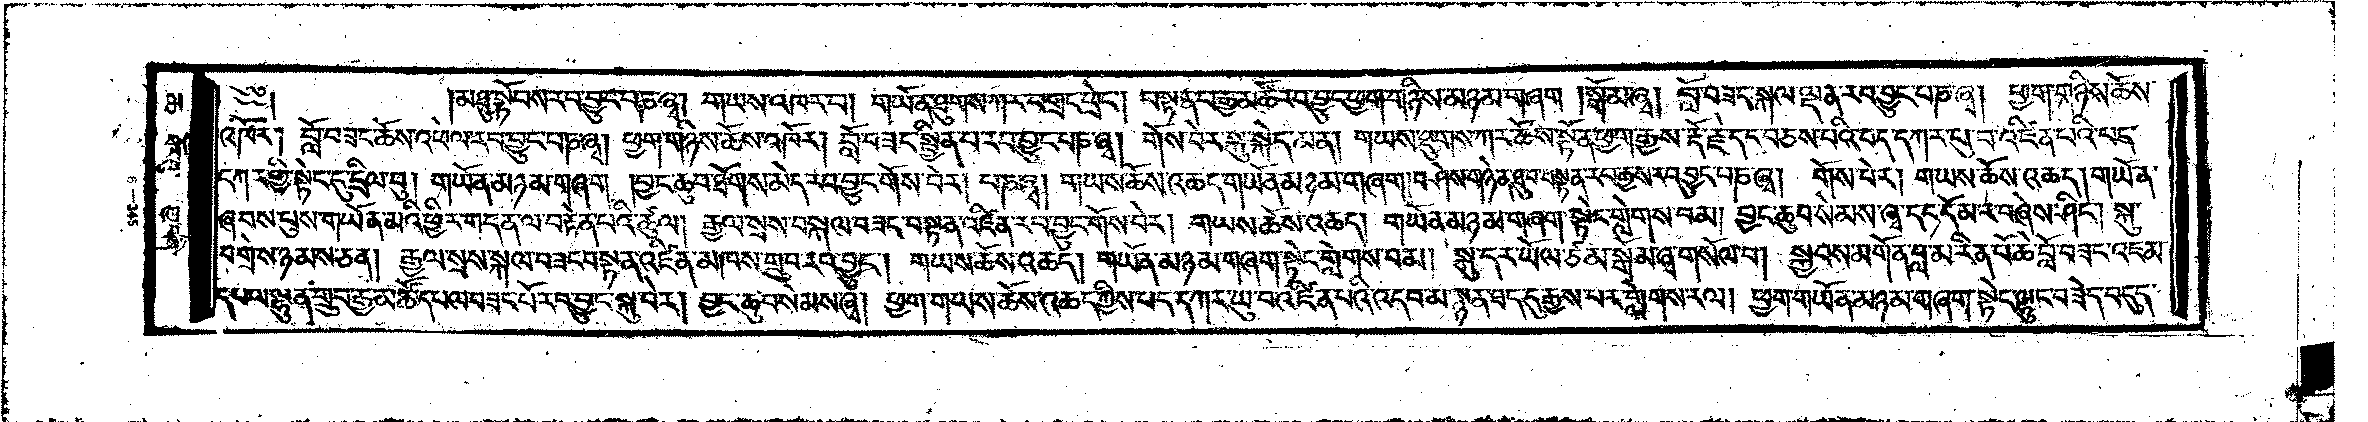༄༅། །མཐུ་སྟོབས་རབ་བྱུང་བཎ་ཞྭ། གཡས་འཁར་བ། གཡོན་ཐུགས་ཀར་བགྲང་ཕྲེང་། བསྟན་པ་རྒྱ་མཚོ་རབ་བྱུང་ཕྱག་གཉིས་མཉམ་གཞག །སྒོམ་ཞྭ། བློ་བཟང་སྐལ་ལྡན་རབ་བྱུང་པཎ་ཞྭ། ཕྱག་གཉིས་ཆོས་
འཁོར། བློ་བཟང་ཆོས་འཕེལ་རབ་བྱུང་པཎ་ཞྭ། ཕྱག་གཉིས་ཆོས་འཁོར། བློ་བཟང་སྦྱིན་པ་རབ་བྱུང་པཎ་ཞྭ། གོས་བེར་སྐུ་སྐེད་མན། གཡས་ཐུགས་ཀར་ཆོས་སྟོན་ཕྱག་རྒྱས་རྡོ་རྗེ་དང་བཅས་པའི་པད་དཀར་པུ་བ་འཛིན་པའི་པད་
དཀར་གྱི་སྟེང་དུ་དྲིལ་བུ། གཡོན་མཉམ་གཞག །བྱང་ཆུབ་ཐོགས་མེད་རབ་བྱུང་གོས་བེར། པཎ་ཞྭ། གཡས་ཆོས་འཆད་གཡོན་མཉམ་གཞག །བཤེས་གཉེན་ཐུབ་བསྟན་རབ་རྒྱས་རབ་བྱུང་པཎ་ཞྭ། གོས་པེར། གཡས་ཆོས་འཆད། གཡོན་
ཞབས་པུས་གཡོན་མའི་ཕྱིར་གདན་ལ་བརྟེན་པའི་ཚུལ། རྒྱལ་སྲས་བསྐལ་བཟང་བསྟན་འཛིན་རབ་བྱུང་གོས་བེར། གཡས་ཆོས་འཆད། གཡོན་མཉམ་གཞག་སྟེང་གླེགས་བམ། བྱང་ཆུབ་སེམས་ཞྭ་དང་དོམ་ར་བཞེས་ཤིང་། སྐུ་
བགྲེས་ཉམས་ཅན། རྒྱལ་སྲས་སྐལ་བཟང་བསྟན་འཛིན་མཁས་གྲུབ་རབ་བྱུང་། གཡས་ཆོས་འཆད། གཡོན་མཉམ་གཞག་སྟེང་གླེགས་བམ། སྐུ་དར་ཡོལ་ཙམ་སྒོམ་ཞྭ་གསོལ་བ། སྐྱབས་མགོན་བླ་མ་རིན་པོ་ཆེ་བློ་བཟང་འཇམ་
དཔལ་ལྷུན་གྲུབ་རྒྱ་མཚོ་དཔལ་བཟང་པོ་རབ་བྱུང་སྐུ་བེར། བྱང་ཆུབ་སེམས་ཞྭ། ཕྱག་གཡས་ཆོས་འཆད་ཀྱིས་པད་དཀར་ཡུ་བ་འཛིན་པའི་འདབ་མ་སྙན་ཐད་དུ་རྒྱས་པར་གླེགས་རལ། ཕྱག་གཡོན་མཉམ་གཞག་སྟེང་ལྷུང་བཟེད་བདུད་